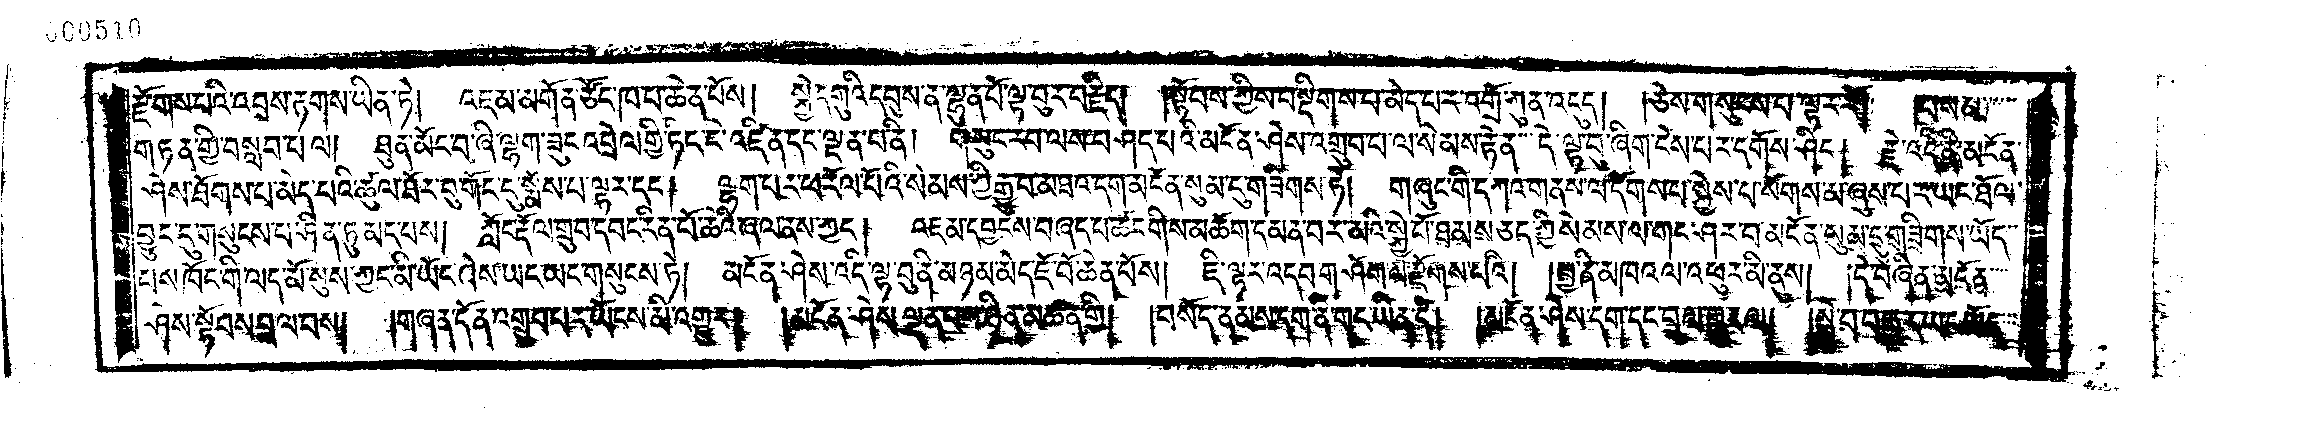རྫོགས་པའི་འབྲས་རྟགས་ཡིན་ཏེ། འཇམ་མགོན་ཙོང་ཁ་པ་ཆེན་པོས། སྐྱེ་དགུའི་དབུས་ན་ལྷུན་པོ་ལྟ་བུར་བརྗིད། །སྟོབས་ཀྱིས་བསྡིགས་པ་མེད་པར་འགྲོ་ཀུན་འདུད། །ཅེས་གསུངས་པ་ལྟར་རོ། །བསམ་
གཏན་གྱི་བསླབ་པ་ལ། ཐུན་མོང་བ་ཞི་ལྷག་ཟུང་འབྲེལ་གྱི་ཏིང་ངེ་འཛིན་དང་ལྡན་པ་ནི། གསུང་རབ་ལས་བཤད་པའི་མངོན་ཤེས་འགྲུབ་པ་ལ་སེམས་རྟེན་དེ་ལྟ་བུ་ཞིག་ངེས་པར་དགོས་ཤིང་། རྗེ་འདི་ནི་མངོན་
ཤེས་ཐོགས་པ་མེད་པའི་ཚུལ་ཐོར་བུ་གོང་དུ་སྨོས་པ་ལྟར་དང་། ལྷག་པར་ཕ་རོལ་པོའི་སེམས་ཀྱི་རྒྱུ་བ་མཐའ་དག་མངོན་སུམ་དུ་གཟིགས་ཏེ། གཞུང་གི་དཀའ་གནས་ལ་དོགས་པ་སྐྱེས་པ་སོགས་མ་ཞུས་པར་ཡང་ཐོལ་
བྱུང་དུ་གསུངས་པ་ཤིན་ཏུ་མང་པས། ཀློང་རྡོལ་གྲུབ་དབང་རིན་པོ་ཆེའི་ཞལ་ནས་ཀྱང་། འཇམ་དབྱངས་བཞད་པ་ཚང་གིས་མཆོག་དམན་བར་མའི་སྐྱེ་པོ་ཐམས་ཅད་ཀྱི་སེམས་ལ་གང་ཤར་བ་མངོན་སུམ་དུ་གཟིགས་ཡོད་
བས་ཁོང་གི་ལད་མོ་སུས་ཀྱང་མི་ཡོང་ཞེས་ཡང་ཡང་གསུངས་ཏེ། མངོན་ཤེས་འདི་ལྟ་བུ་ནི་མཉམ་མེད་ཇོ་བོ་ཆེན་པོས། ཇི་ལྟར་འདབ་གཤོག་མ་རྫོགས་པའི། །བྱ་ནི་མཁའ་ལ་འཕུར་མི་ནུས། །དེ་བཞིན་མངོན་
ཤེས་སྟོབས་བྲལ་བས། །གཞན་དོན་འགྲུབ་པར་ཡོངས་མི་འགྱུར། །མངོན་ཤེས་ལྡན་པས་ཉིན་མཚན་གྱི། །བསོད་ནམས་དག་ནི་གང་ཡིན་དེ། །མངོན་ཤེས་དག་དང་བྲལ་གྱུར་ལ། །སྐྱེ་བ་བརྒྱར་ཡང་ཡོད་